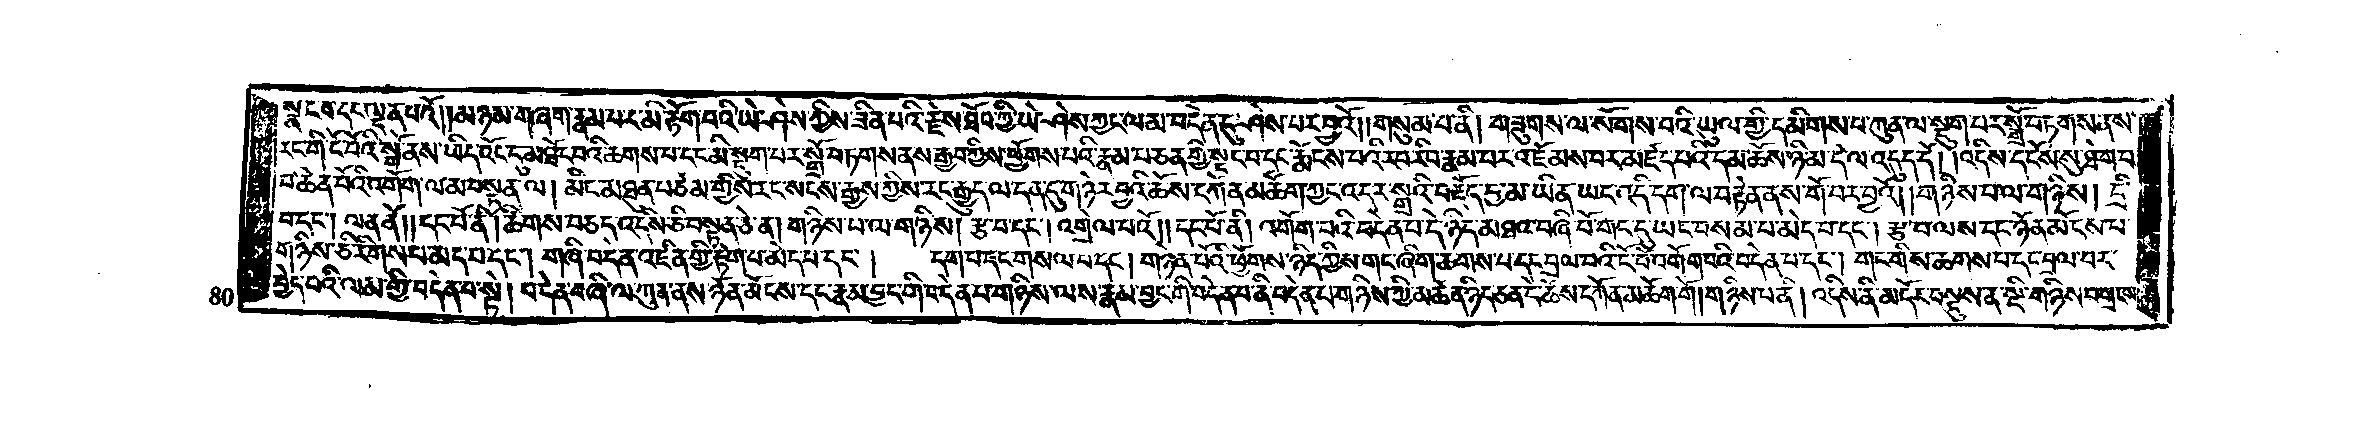སྣང་བ་དང་ལྡན་པའོ། །མཉམ་གཞག་རྣམ་པར་མི་རྟོག་པའི་ཡེ་ཤེས་ཀྱིས་ཟིན་པའི་རྗེས་ཐོབ་ཀྱི་ཡེ་ཤེས་ཀྱང་ལམ་བདེན་དུ་ཤེས་པར་བྱའོ། །གསུམ་པ་ནི། གཟུགས་ལ་སོགས་པའི་ཡུལ་གྱི་དམིགས་པ་ཀུན་ལ་སྡུག་པར་སྒྲོ་བཏགས་ནས་
རང་གི་ངོ་བོའི་སྒོ་ནས་ཡིད་འོང་དུ་མཐོང་བའི་ཆགས་པ་དང་མི་སྡུག་པར་སྒྲོ་བཏགས་ནས་རྒྱབ་ཀྱིས་ཕྱོགས་པའི་རྣམ་པ་ཅན་གྱི་སྡང་བ་དང་རྨོངས་པའི་རབ་རིབ་རྣམ་པར་འཇོམས་པར་མཛད་པའི་དམ་ཆོས་ཉི་མ་དེ་ལ་འདུད་དོ། །འདིས་དངོས་སུ་ཐེག་པ་
བ་ཆེན་པོའི་འགོག་ལམ་བསྟན་ལ། མིང་མཐུན་པ་ཙམ་གྱིས་རང་སངས་རྒྱས་ཀྱིས་རང་རྒྱུད་ལ་དན་དུ་གཉེར་བྱའི་ཆོས་དཀོན་མཆོག་ཀྱང་འདར་སྒྲའི་བརྗོད་བྱ་མ་ཡིན་ཡང་འདི་དག་ལ་བརྟེན་ནས་གོ་བར་བྱའོ། །གཉིས་པ་ལ་གཉིས། དྲི་
བ་དང་། ལན་ནོ། །དང་པོ་ནི། ཚིགས་བཅད་འདིས་ཅི་བསྟན་ཅེ་ན། གཉིས་པ་ལ་གཉིས། རྩ་བ་དང་། འགྲེལ་པའོ། །དང་པོ་ནི། འགོག་པའི་བདེན་པ་དེ་ཉིད་མཐའ་བཞི་པོ་གང་དུ་ཡང་བསམ་པ་མེད་པ་དང་། རྩ་བ་ལས་དང་ཉོན་མོངས་པ་
གཉིས་ཅི་རིགས་པ་མེད་པ་དང་། གཞི་བདེན་འཛིན་གྱི་རྟེག་པ་མེད་པ་དང་། དག་པ་དང་གསལ་བ་དང་། གཉེན་པོའི་ཕྱོགས་ཉིད་ཀྱིས་གང་ཞིག་ཆགས་པ་དང་བྲལ་བའི་ངོ་བོ་འགོག་པའི་བདེན་པ་དང་། གང་གིས་ཆགས་པ་དང་བྲལ་བར་
བྱེད་པའི་ལམ་གྱི་བདེན་པ་སྟེ། བདེན་བཞི་ལ་ཀུན་ནས་ཉོན་མོངས་དང་རྣམ་བྱང་གི་བདེན་པ་གཉིས་ལས་རྣམ་བྱང་གི་བདེན་པ་ནི་བདེན་པ་གཉིས་ཀྱི་མཚན་ཉིད་ཅན་དེ་ཆོས་དཀོན་མཆོག་གོ །གཉིས་པ་ནི། འདིས་ནི་མདོར་བསྡུས་ན་སྡི་གཉིས་བགྲངས་